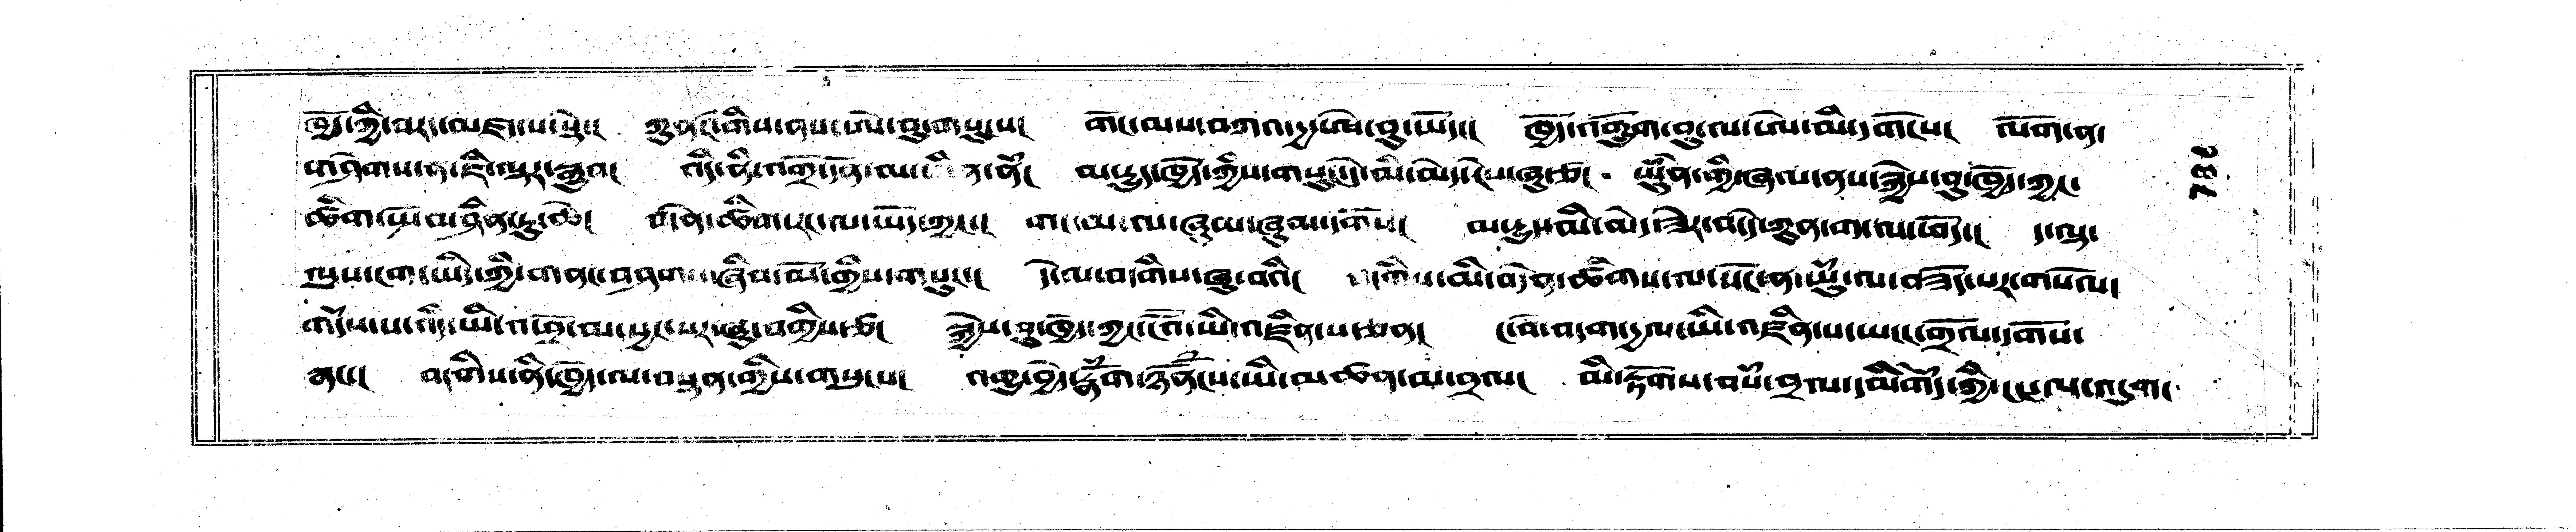ཁྱོད་ཀྱིས་བར་ཆད་མཛད་པ་སྟེ། །ཀུན་འཟང་གིས་ནས་ཨེ་བུ་གསུངས། །གོང་མའི་བཀའ་རྒྱ་ཨེ་བུ་ཡོད། །ཁྱོད་འགྲོ་དྲུག་བུ་ལ་ཨེ་མི་དགོངས། །ལོགས་ན་
གཤེགས་ན་ཇི་ལྟར་སྒྲུབ། །འདི་ནི་འགྲོ་དོན་མ་ཡིན་ནམ། །མ་རྒྱུད་ཁྱོད་ཀྱི་གསུང་དེ་མི་མེད་ངེས་ཞུས་ཙ། ཡུམ་ཆེན་གྱི་ཞལ་ནས་སྐྱེས་བུ་ཁྱོད་ཀྱང་
ཚིག་སྤོབས་ཤིན་ཏུ་ཆེ། བདེན་ཚིག་རང་ལ་ཡོད་ཀྱང་གོང་མ་ལ་ཞུམ་ཞུམ་དགོས། མ་རྒྱུད་མི་མེད་ཟེར་བ་དེ་ཀུན་ག་ལ་ཕོད། ད་ལྟ་
ལུས་ངག་ཡིད་ཀྱིས་གནང་བཤགས་ཞིབ་མོ་གྱིས་གསུངས། དེ་ལ་བདག་གིས་ཞུས་བའི་༼པ༽། བདག་གི་མི་བདེན་ཚིག་ལ་སོང་ན་ཡུམ་ལ་བཟོད་པར་གསོལ། 
གདམས་པ་འདི་ཡི་འཕྲོ་མ་གསུངས་པར་ཞུ་བགྱིས་ཙ། སྐྱེས་བུ་ཁྱོད་ཀྱང་ངོའོ་ཡི་༼ང་འོ༽འཛིན་པ་ཅན། ང་འོ་བདག་རྒྱལ་གྱི་འཛིན་པ་ཡང་ཡང་གྲོལ་དགོས་
སྣང་། བདག་གིས་ནི་ཁྱོད་ལ་བསྟན་གྱི་གསུངས། འགྱུ་བྱེད་རྣམ་རྟོག་ཉོན་མོངས་ཡི་མཚན་མ་བྲལ། མི་རྟོག་བསམ་བྲལ་དམིགས་མེད་ཀྱི་ངང་ལ་འདུག